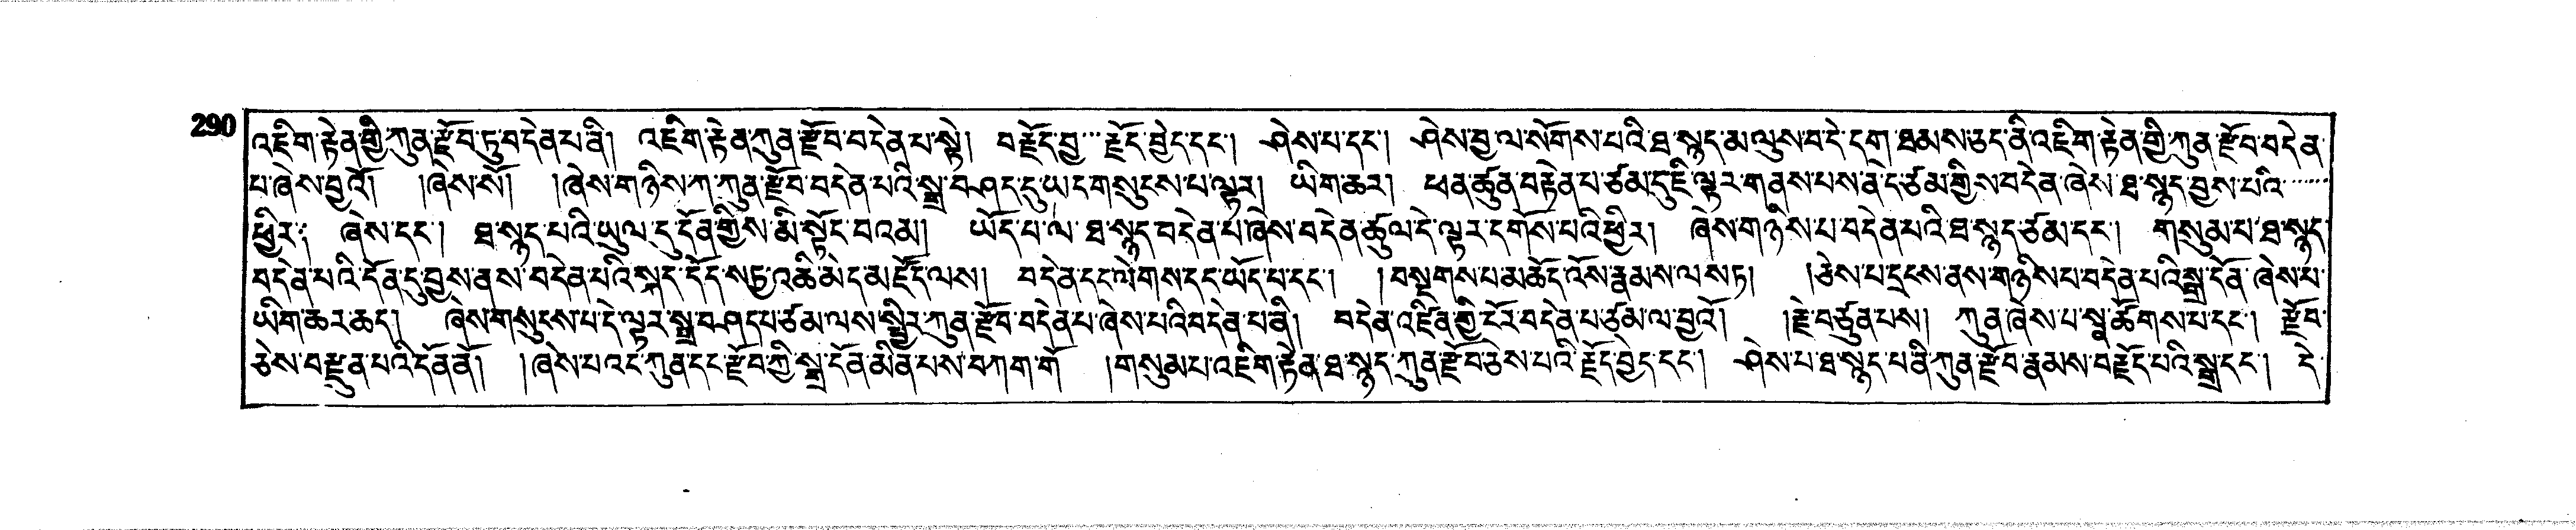འཇིག་རྟེན་གྱི་ཀུན་རྫོབ་ཏུ་བ་དེན་པ་ནི། འཇིག་རྟེན་ཀུན་རྫོབ་བདེན་པ་སྟེ། བརྗོད་བྱ་རྗོད་བྱེད་དང་། ཤེས་པ་དང་ཤེས་བྱ་ལ་སོགས་པའི་ཐ་སྙད་མ་ལུས་བ་དེ་དག་ཐམས་ཅད་ནི་འཇིག་རྟེན་གྱི་ཀུན་རྫོབ་བདེན་
པ་ཞེས་བྱའོ། །ཞེས་སོ། །ཞེས་གཉིས་ཀ་ཀུན་རྫོབ་བདེན་པའི་སྒྲ་བཤད་དུ་ཡང་གསུངས་པ་ལྟར། ཡིག་ཆར། ཕན་ཚུན་བརྟེན་པ་ཙམ་དུ་ཇི་ལྟར་གནས་པས་ན་དེ་ཙམ་གྱིས་བདེན་ཞེས་ཐ་སྙད་བྱས་པའི་
ཕྱིར། ཞེས་དང་། ཐ་སྙད་པའི་ཡུལ་དུ་དོན་གྱིས་མི་སྟོང་བའམ། ཡོད་པ་ལ་ཐ་སྙད་བདེན་པ་ཞེས་བདེན་ཚུལ་དེ་ལྟར་དགོས་པའི་ཕྱིར། ཞེས་གཉིས་པ་བདེན་པའི་ཐ་སྙད་ཙམ་དང་། གསུམ་པ་ཐ་སྙད་
བདེན་པའི་དོན་དུ་བྱས་ནས་བདེན་པའི་སྐད་དོད་སཏྱ་འཆི་མེད་མཛོད་ལས། བདེན་དང་ལེགས་དང་ཡོད་པ་དང་། །བསྔགས་པ་མཆོད་འོས་རྣམས་ལས་ཏ། །ཅེས་པ་དྲངས་ནས་གཉིས་པ་བདེན་པའི་སྒྲ་དོན་ཞེས་པ་
ཡིག་ཆར་ཆད། ཞེས་གསུངས་པ་དེ་ལྟར་སྒྲ་བཤད་པ་ཙམ་ལས་སྤྱིར་ཀུན་རྫོབ་བདེན་པ་ཞེས་པའི་བདེན་པ་ནི། བདེན་འཛིན་གྱི་ངོར་བདེན་པ་ཙམ་ལ་བྱའོ། །རྗེ་བཙུན་པས། ཀུན་ཞེས་པ་སྣ་ཚོགས་པ་དང་། རྫོབ་
ཅེས་བརྫུན་པའི་དོན་ནོ། །ཞེས་པའང་ཀུན་དང་རྫོབ་ཀྱི་སྒྲ་དོན་ནྨིན་པས་བཀག་གོ །གསུམ་པ་འཇིག་རྟེན་ཐ་སྙད་ཀུན་རྫོབ་ཅེས་པའི་རྗོད་བྱེད་དང་། ཤེས་པ་ཐ་སྙད་པ་ནི་ཀུན་རྫོབ་རྣམས་བརྗོད་པའི་སྒྲ་དང་། དེ་